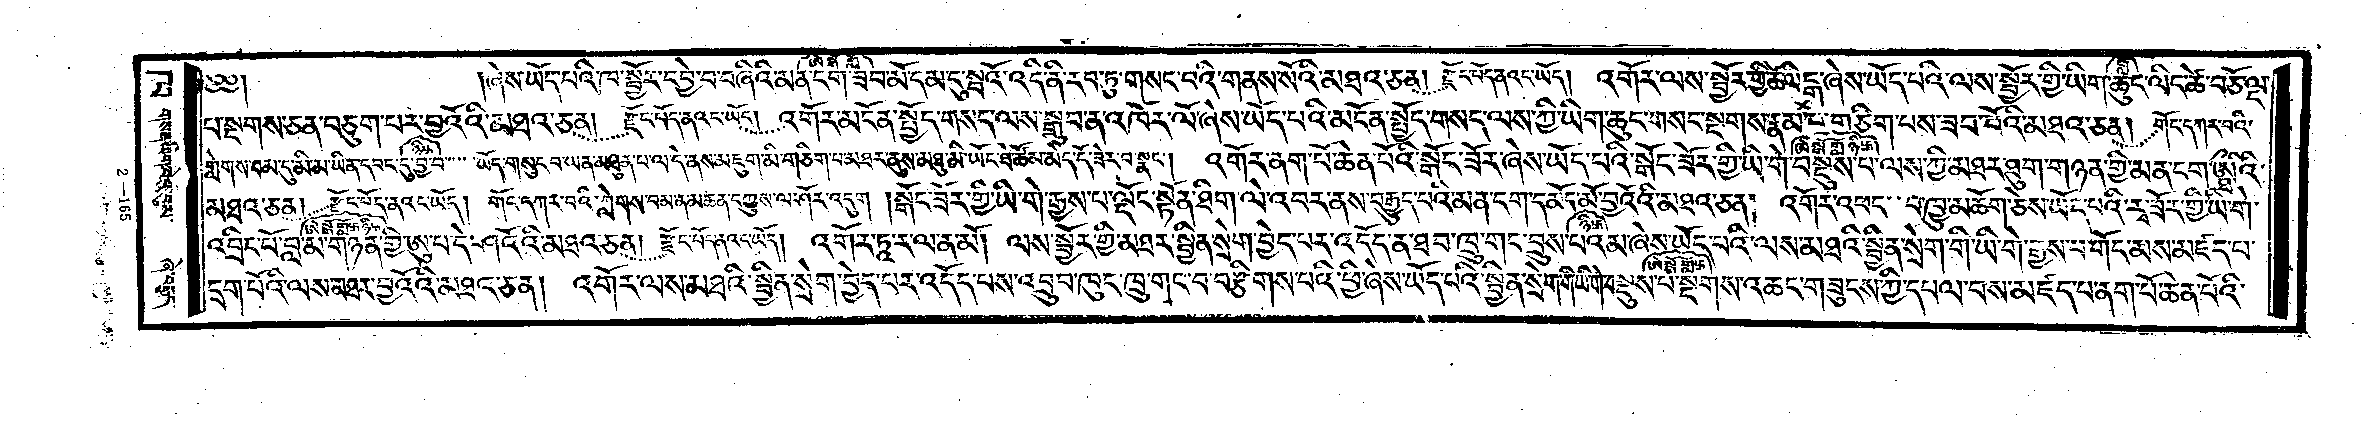༄༅། །ཞེས་ཡོད་པའི་ཁ་སྦྱོར་དབྱེ་བ་བཞིའི་མན་ངག་ཟབ་མོ་དམ་དུ་སྦའོ་འདི་ནི་རབ་ཏུ་གསང་བའི་གནས་སོའི་མཐའ་ཅན། རྫོང་པོད་ནའང་ཡོད།  འགོར་ལས་སྦྱོར་གྱི་ཚེ་ལིངྒ་ཞེས་ཡོད་པའི་ལས་སྦྱོར་གྱི་ཡིག་ཆུང་ལིང་ཚེ་བཅོ་ལྔ་
པ་སྔགས་ཅན་བཅུག་པར་བྱའོའི་མཐའ་ཅན། རྫོང་པོད་ནའང་ཡོད།  འགོར་མངོན་སྤྱོད་གསད་ལས་སྒྲུབ་ན་འཁོར་ལོ་ཞེས་ཡོད་པའི་མངོན་སྤྱོད་གསད་ལས་ཀྱི་ཡིག་ཆུང་གསང་སྔགས་རྣམ་པ་གཅིག་པས་ཟབ་པོའི་མཐའ་ཅན། གོང་དཀར་བའི་
གླེགས་བམ་དུ་མི་མ་ཡིན་དབང་དུ་བྱ་བ་ཡོད་གསུང་བ་ཡན་མཐུན་པ་ལ་དེ་ནས་མཇུག་མི་གཅིག་པ་མཐར་ནུས་མཐུ་མི་ཡོང་ཐེ་ཚོམ་མེད་དོ་ཟེར་བ་སྣང་། འགོར་ནག་པོ་ཆེན་པོའི་སྒོང་ཟེར་ཞེས་ཡོད་པའི་སྒོང་ཟོར་གྱི་ཡི་གེ་བསྡུས་པ་ལས་ཀྱི་མཐར་ཐུག་གཉན་གྱི་མན་ངག་ཨིཐིའི་
མཐའ་ཅན། རྫོང་པོད་ནའང་ཡོད། གོང་དཀར་བའི་གླེགས་བམ་ན་མཆན་དཀྱུས་ལ་ཤོར་འདུག་།སྒོང་ཟོར་གྱི་ཡི་གེ་རྒྱས་པ་ལྡོང་སྟོན་ཐིག་ལེ་འབར་ནས་བརྒྱུད་པའི་མན་ངག་དམོད་མོ་བྱའོའི་མཐའ་ཅན། འགོར་འཕང་བ་ཁྱུ་མཆོག་ཅེས་ཡོད་པའི་རྭ་ཟོར་གྱི་ཡི་གེ་
འབྲིང་པོ་བླ་མ་གཉན་གྱི་ཨུ་པ་དེ་ཤའོའི་མཐའ་ཅན། རྫོང་པོད་ནའང་ཡོད།  འགོར་ཏཱ་ར་ལ་ན་མོ། ལས་སྦྱོར་གྱི་མཐར་སྦྱིན་སྲེག་བྱེད་པར་འདོད་ན་ཐབ་ཁྲུ་གང་བྲུས་པའམ་ཞེས་ཡོད་པའི་ལས་མཐའི་སྦྱིན་སྲེག་གི་ཡི་གེ་རྒྱས་པ་གོང་མས་མཛད་པ་
དྲག་པོའི་ལས་མཐར་བྱའོའི་མཐའ་ཅན། འགོར་ལས་མཐའི་སྦྱིན་སྲེག་བྱེད་པར་འདོད་པས་འབྲུ་བ་ཁུང་ཁྲུ་གང་བ་བརྩིགས་པའི་ཕྱི་ཞེས་ཡོད་པའི་སྦྱིན་སྲེག་གི་ཡི་གེ་བསྡུས་པ་སྔགས་འཆང་གཟུངས་ཀྱི་དཔལ་བས་མཛད་པ་ནག་པོ་ཆེན་པོའི་